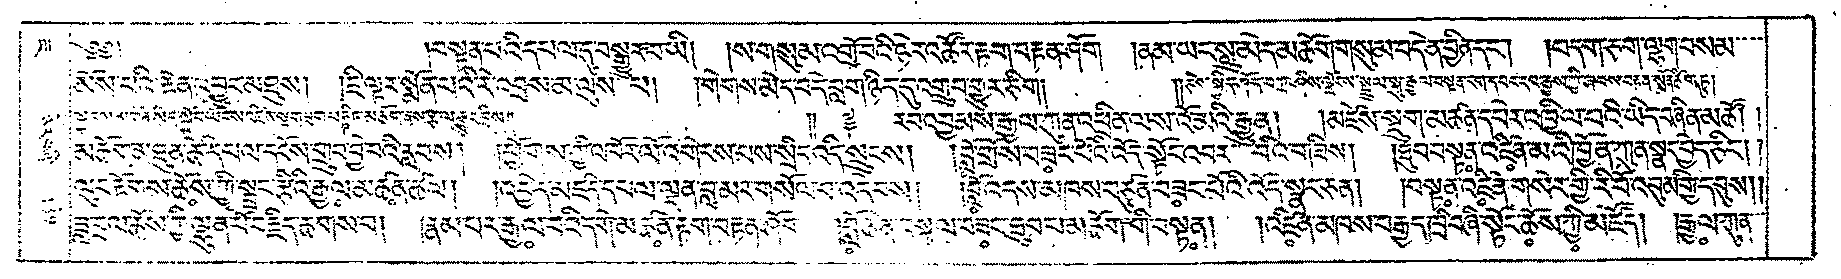༄༅། །བསྟན་པའི་དཔལ་དུ་བསྒྱུར་བ་ཡི། །ས་གསུམ་འགྲོ་བའི་ཉེར་འཚོར་རྟག་བརྟན་ཤོག །ནམ་ཡང་སླུ་མེད་མཆོག་གསུམ་བདེན་བྱིན་དང་། །བདག་ཅག་ལྷག་བསམ་
མོས་པའི་རྟེན་འབྱུང་མཐུས། །ཇི་ལྟར་སྨོན་པའི་རེ་འབྲས་མ་ལུས་པ། །གེགས་མེད་བདེ་བླག་ཉིད་དུ་འགྲུབ་གྱུར་ཅིག །།།ཅེས་སྐྱིད་ཤོད་བཀྲ་ཤིས་ལྗོངས་སྤྲུལ་སྐུ་རྒྱལ་བསྟན་ངག་དབང་རབ་རྒྱས་ཀྱི་ཞབས་བརྟན་སྨོན་ཚིག་ཏུ།
སྐྱབས་མགོན་སྲིད་སྐྱོང་ཡོངས་འཛིན་སྟག་པྲག་པཎྚིཏ་མཆོག་ནས་རྩལ་རྒྱུར་བྲིས།། །། ༈ རབ་འབྱམས་རྒྱལ་ཀུན་འཕྲིན་ལས་འོ་མའི་རྒྱུན། །མཛེས་སྡུག་མཚན་དཔེར་འཁྱིལ་བའི་ཡིད་བཞིན་མཚོ། །
མཆོག་མཐུན་ཚེ་དཔལ་དངོས་གྲུབ་བྱེ་བའི་རླབས། །ཕྱོགས་ཀྱི་འཁོར་ལོ་འགེངས་པས་སྲིད་འདི་སྲུངས། །བློ྾་གྲོས་བཟང྾་པོའི་འོད་སྟོང་འབར་བའི་གཟིས། །ཐུབ་བསྟན྾་འཛིན྾་མའི་ཁྱོན་ཀུན་སྣང་བྱེད་ཅིང་། །
ལུང་རྟོགས་ཆོས྾་ཀྱི་སྦྲང་རྩིའི་རྒྱལ྾་མཚན྾་ཚལ། །འབྱེད་མཛད་དཔལ་ལྡན་བླ་མར་གསོལ་བ་འདེབས། །བློ྾་འདས་མཁས་བཙུན་བཟང྾་པོའི་འོད་སྣང་ཅན། །བསྟན྾་འཛིན྾་གསེར་གྱི་རི་བོ་འབུམ་གྱི་དབུས། །
ཟླ་བྲལ་ཆོས྾་ཀྱི་ལྷུན་པོ་བརྗིད་ཆགས་པ། །རྣམ་པར་རྒྱལ྾་བའི་དགེ་མཚན྾་རྟག་བརྟན་ཤོག །བློ྾་ཆེན་བསྐལ་བཟང྾་ཐུབ་པ་མཆོག་གི་བསྟན྾། །འཛིན྾་མཁས་བརྒྱད་ཁྲི་བཞི་སྟོང་ཆོས྾་ཀྱི྾་མཛོད། །རྒྱལ྾་ཀུན་